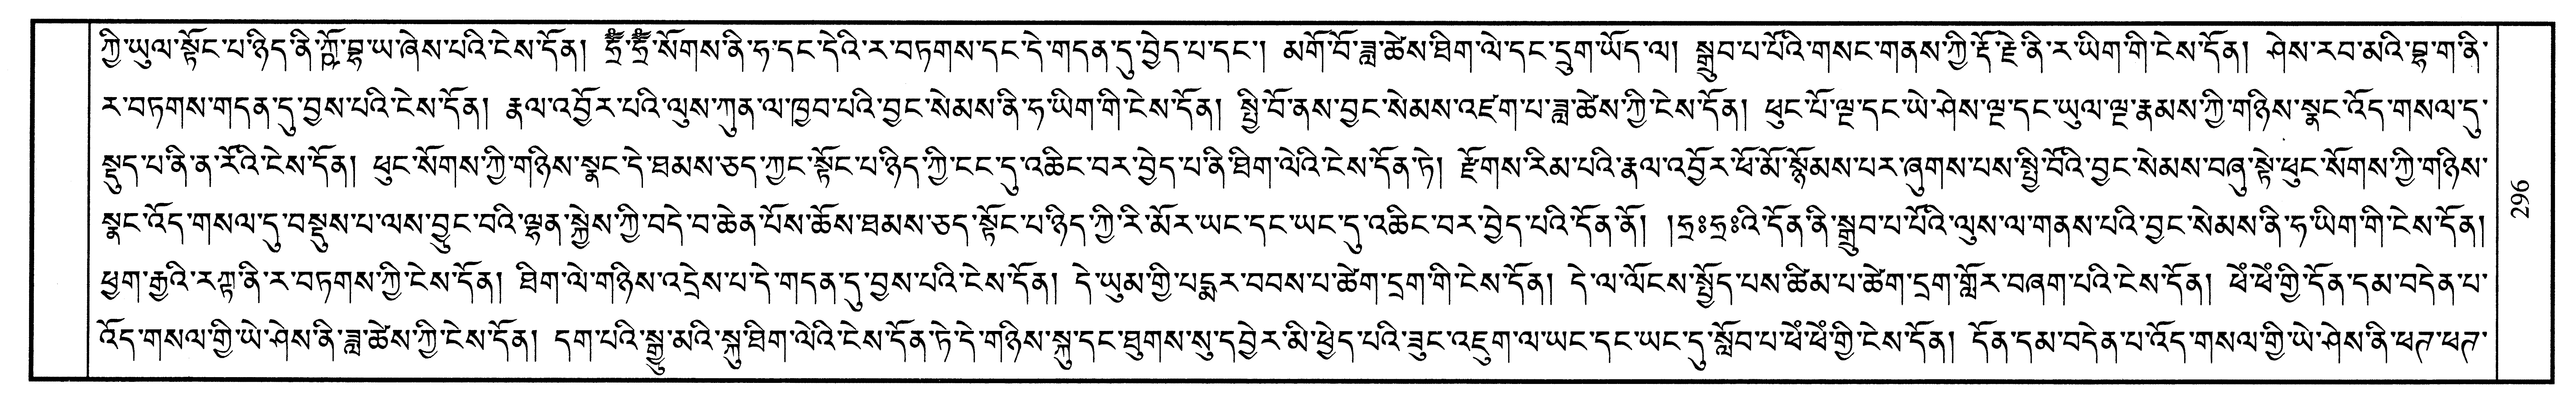ཀྱི་ཡུལ་སྟོང་པ་ཉིད་ནི་ཀྵོ་བྷ་ཡ་ཞེས་པའི་ངེས་དོན། ཧྲཽཾ་ཧྲཽཾ་སོགས་ནི་ཧ་དང་དེའི་ར་བཏགས་དང་དེ་གདན་དུ་བྱེད་པ་དང་། མགོ་བོ་ཟླ་ཚེས་ཐིག་ལེ་དང་དྲུག་ཡོད་ལ། སྒྲུབ་པ་པོའི་གསང་གནས་ཀྱི་རྡོ་རྗེ་ར་ཡིག་གི་ངེས་དོན། ཤེས་རབ་མའི་བྷ་ག་ནི་
ར་བཏགས་གདན་དུ་བྱས་པའི་ངེས་དོན། རྣལ་འབྱོར་པའི་ལུས་ཀུན་ལ་ཁྱབ་པའི་བྱང་སེམས་ནི་ཧ་ཡིག་གི་ངེས་དོན། སྤྱི་བོ་ནས་བྱང་སེམས་འཛག་པ་ཟླ་ཚེས་ཀྱི་ངེས་དོན། ཕུང་པོ་ལྔ་དང་ཡེ་ཤེས་ལྔ་དང་ཡུལ་ལྔ་རྣམས་ཀྱི་གཉིས་སྣང་འོད་གསལ་དུ་
སྡུད་པ་ནི་ན་རོའི་ངེས་དོན། ཕུང་སོགས་ཀྱི་གཉིས་སྣང་དེ་ཐམས་ཅད་ཀྱང་སྟོང་པ་ཉིད་ཀྱི་ངང་དུ་འཆིང་བར་བྱེད་པ་ནི་ཐིག་ལེའུ་ངེས་དོན་ཏེ། རྫོགས་རིམ་པའི་རྣལ་འབྱོར་ཕོ་མོ་སྙོམས་པར་ཞུགས་པས་སྤྱི་བོའི་བྱང་སེམས་བཞུ་སྟེ་ཕུང་སོགས་ཀྱི་གཉིས་
སྣང་འོད་གསལ་དུ་བསྡུས་པ་ལས་བྱུང་བའི་ལྷན་སྐྱེས་ཀྱི་བདེ་བ་ཆེན་པོས་ཆོས་ཐམས་ཅད་སྟོང་པ་ཉིད་ཀྱི་རི་མོར་ཡང་དང་ཡང་དུ་འཆིང་བར་བྱེད་པའི་དོན་ནོ། །ཧྲཿ ཧྲཿ འི་དོན་ནི་སྒྲུབ་པ་པོའི་ལུས་ལ་གནས་པའི་བྱང་སེམས་ནི་ཧ་ཡིག་གི་ངེས་དོན།
ཕྱག་རྒྱའི་རཀྟ་ནི་ར་བཏགས་ཀྱི་ངེས་དོན། ཐིག་ལེ་གཉིས་འདྲེས་པ་དེ་གདན་དུ་བྱས་པའི་ངེས་དོན། དེ་ཡུམ་གྱི་པདམར་བབས་པ་ཚེག་དྲག་གི་ངེས་དོན། དེ་ལ་ལོངས་སྤྱོད་པས་ཚིམ་པ་ཚེག་དྲག་གློར་བཞག་པའི་ངེས་དོན། ཕེཾ་ཕེཾ་གྱི་དོན་དམ་བདེན་པ་
འོད་གསལ་གྱི་ཡེ་ཤེས་ནི་ཟླ་ཚེས་ཀྱི་ངེས་དོན། དག་པའི་སྒྱུ་མའི་སྐུ་ཐིག་ལེའི་ངེས་དོན་ཏེ་དེ་གཉིས་སྐུ་དང་ཐུགས་སུ་དབྱེར་མེ་ཕྱེད་པའི་ཟུང་འཇུག་ལ་ཡང་དང་ཡང་དུ་སློབ་པ་ཕེཾ་ཕེཾ་གྱི་ངེས་དོན། དོན་དམ་བདེན་པ་འོད་གསལ་གྱི་ཡེ་ཤེས་ནི་ཕཊ་ཕཊ་